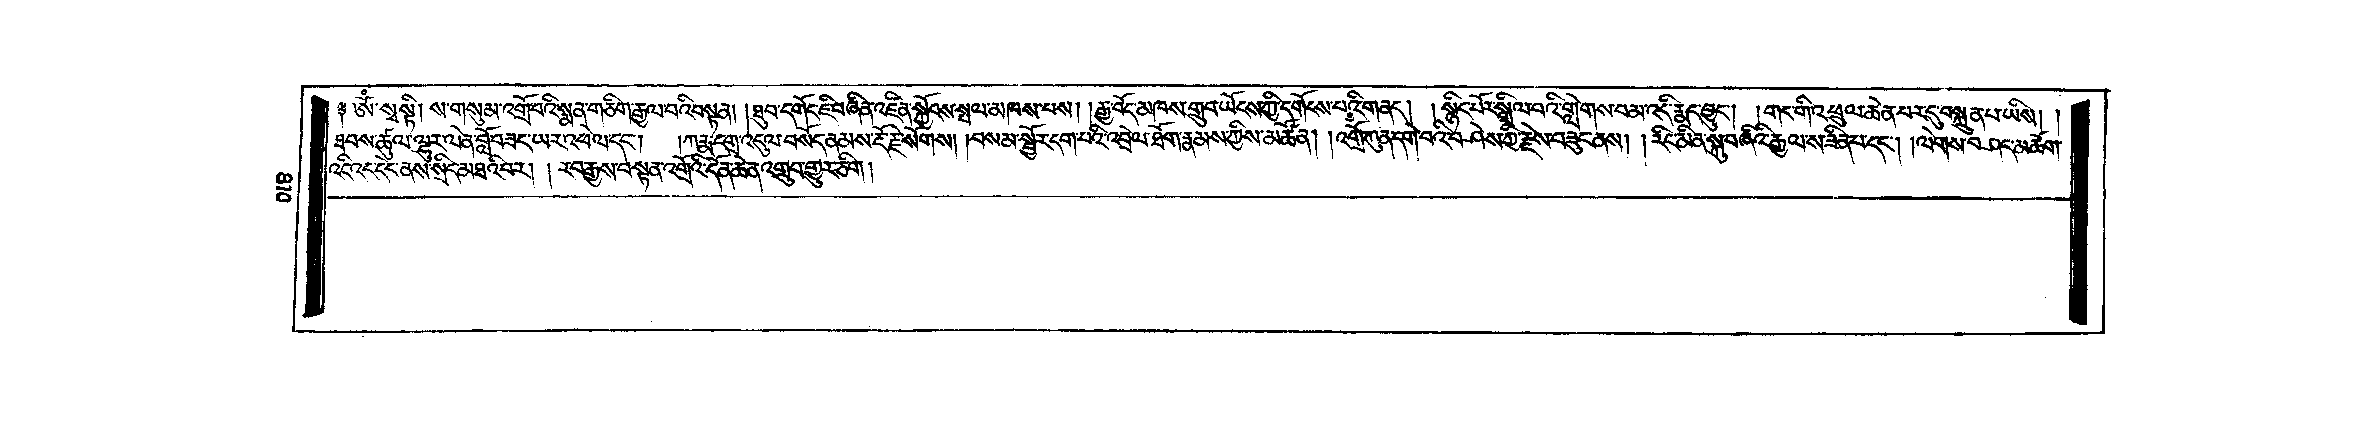༈ ཨོཾ་སྭ་སྟི། ས་གསུམ་འགྲོ་བའི་སྨན་གཅིག་རྒྱལ་བའི་བསྟན། །ཐུབ་དགོང་ཇི་བཞིན་འཛིན་སྐྱོབས་སྤལ་མཁས་པས། །རྒྱ་བོད་མཁས་གྲུབ་ཡོངས་ཀྱི་དགོངས་པའི་གནད། །སྙིང་པོར་སྒྲིལ་བའི་གླེགས་བམ་འདི་རྨད་བྱུང་། །གང་གི་འཕྲུལ་ཆེན་པར་དུ་བསྐྲུན་པ་ཡིས། །
ཐབས་ཚུལ་ལྷུར་ལེན་བློ་བཟང་ཡར་འཕེལ་དང་། །ཀརྨ་དགྲ་འདུལ་བསོད་ནམས་རྡོ་རྗེ་སོགས། །བསམ་སྦྱོར་དག་པའི་འབྲེལ་ཐོག་རྣམས་ཀྱིས་མཚོན། །འགྲོ་ཀུན་དགེ་བའི་བཤེས་ཀྱི་རྗེས་བཟུང་ནས། །རིང་མིན་སྐུ་བཞིའི་རྒྱལ་ས་ཟིན་པ་དང་། །ལེགས་བཤད་མཆོག་
འདི་དེང་ནས་སྲིད་མཐའི་བར། །རབ་རྒྱས་བསྟན་འགྲོའི་དོན་ཆེན་འགྲུབ་གྱུར་ཅིག །། །།